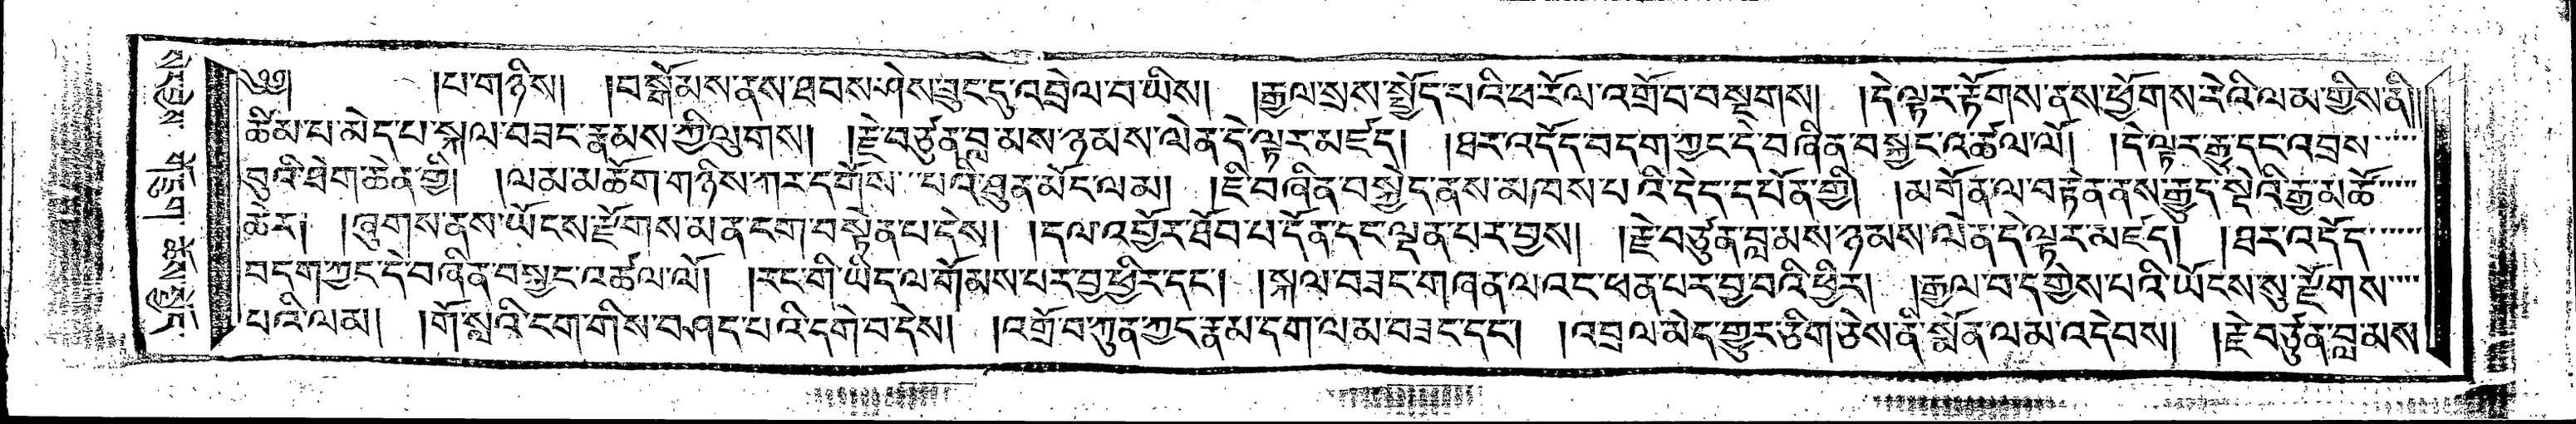༄༅། །པ་གཉིས། །བསྒོམས་ནས་ཐབས་ཤེས་ཟུང་དུ་འབྲེལ་བ་ཡིས། །རྒྱལ་སྲས་སྤྱོད་པའི་ཕ་རོལ་འགྲོ་བ་བསྔགས། །དེ་ལྟར་རྟོགས་ནས་ཕྱོགས་རེའི་ལམ་གྱིས་ནི། །
ཚིམ་པ་མེད་པ་སྐལ་བཟང་རྣམས་ཀྱི་ལུགས། །རྗེ་བཙུན་བླ་མས་ཉམས་ལེན་དེ་ལྟར་མཛད། །ཐར་འདོད་བདག་ཀྱང་དེ་བཞིན་བསྐྱང་འཚལ་ལོ། །དེ་ལྟར་རྒྱུ་དང་འབྲས་
བུའི་ཐེག་ཆེན་གྱི། །ལམ་མཆོག་གཉིས་ཀར་དགོས་པའི་ཐུན་མོང་ལམ། །ཇི་བཞིན་བསྐྱེད་ནས་མཁས་པའི་དེད་དཔོན་གྱི། །མགོན་ལ་བརྟེན་ནས་རྒྱུད་སྡེའི་རྒྱ་མཚོ་
ཆེར༑ །ཞུགས་ནས་ཡོངས་རྫོགས་མན་ངག་བསྟེན་པ་དེས། །དལ་འབྱོར་ཐོབ་པ་དོན་དང་ལྡན་པར་བྱས། །རྗེ་བཙུན་བླ་མས་ཉམས་ལེན་དེ་ལྟར་མཛད། །ཐར་འདོད་
བདག་ཀྱང་དེ་བཞིན་བསྐྱང་འཚལ་ལོ། །རང་གི་ཡིད་ལ་གོམས་པར་བྱ་ཕྱིར་དང་། །སྐལ་བཟང་གཞན་ལའང་ཕན་པར་བྱ་བའི་ཕྱིར། །རྒྱལ་བ་དགྱེས་པའི་ཡོངས་སུ་རྫོགས་
པའི་ལམ། །གོ་སླའི་ངག་གིས་བཤད་པའི་དགེ་བ་དེས། །འགྲོ་བ་ཀུན་ཀྱང་རྣམ་དག་ལམ་བཟང་དང་། །འབྲལ་མེད་གྱུར་ཅིག་ཅེས་ནི་སྨོན་ལམ་འདེབས། །རྗེ་བཙུན་བླ་མས་